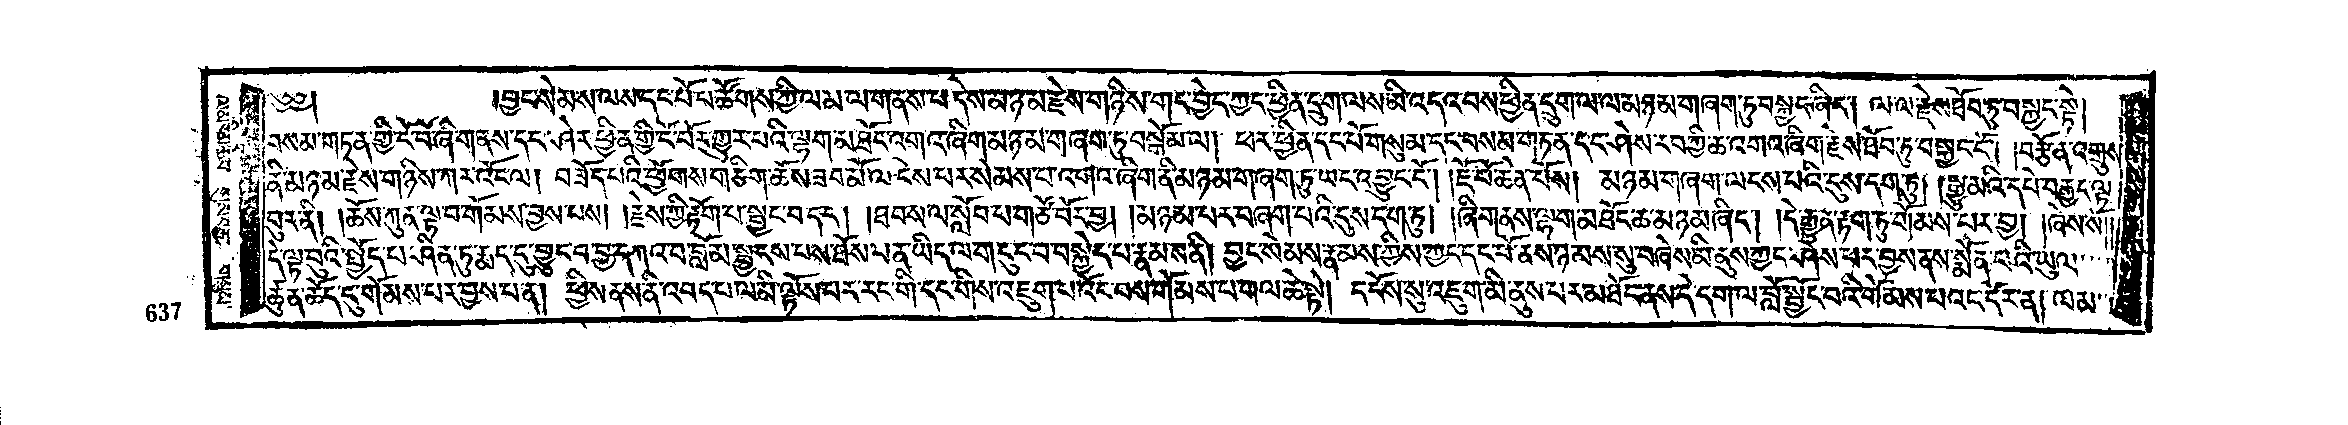༄༅། །བྱང་སེམས་ལས་དང་པོ་པ་ཚོགས་ཀྱི་ལམ་ལ་གནས་པ་དེས་མཉམ་རྗེས་གཉིས་གང་བྱེད་ཀྱང་ཕྱིན་དྲུག་ལས་མི་འདའ་བས་ཕྱིན་དྲུག་ལ་ལ་མཉམ་གཞག་ཏུ་བསྐྱང་ཞིང་། ལ་ལ་རྗེས་ཐོབ་ཏུ་བསྐྱང་སྟེ།
བསམ་གཏན་གྱི་ངོ་བོ་ཞི་གནས་དང་ཤེར་ཕྱིན་གྱི་ངོ་བོར་གྱུར་པའི་ལྷག་མཐོང་འགའ་ཞིག་མཉམ་གཞག་ཏུ་བསྒོམ་ལ། ཕར་ཕྱིན་དང་པོ་གསུམ་དང་བསམ་གཏན་དང་ཤེས་རབ་ཀྱི་ཆ་འགའ་ཞིག་རྗེས་ཐོབ་ཏུ་བསྐྱང་ངོ། །བརྩོན་འགྲུས་
ནི་མཉམ་རྗེས་གཉིས་ཀར་འོང་ལ། བཟོད་པའི་ཕྱོགས་གཅིག་ཆོས་ཟབ་མོ་ལ་ངེས་པར་སེམས་པ་འགའ་ཞིག་ནི་མཉམ་གཞག་ཏུ་ཡང་འབྱུང་ངོ། །ཇོ་བོ་ཆེན་པོས། མཉམ་གཞག་ལངས་པའི་དུས་དག་ཏུ། །སྒྱུ་མའི་དཔེ་བརྒྱད་ལྟ་
བུར་ནི། །ཆོས་ཀུན་ལྟ་བ་གོམས་བྱས་པས། །རྗེས་ཀྱི་རྟོག་པ་སྦྱང་བ་དང་། །ཐབས་ལ་སློབ་པ་གཙོ་བོར་བྱ། །མཉམ་པར་བཞག་པའི་དུས་དག་ཏུ། །ཞི་གནས་ལྷག་མཐོང་ཆ་མཉམ་ཞིང་། །དེ་རྒྱུན་རྟག་ཏུ་གོམས་པར་བྱ། །ཞེས་སོ།།
དེ་ལྟ་བུའི་སྤྱོད་པ་ཤིན་ཏུ་རྨད་དུ་བྱུང་བ་བྱ་དཀའ་བ་བློ་མ་སྦྱངས་པས་ཐོས་པ་ན་ཡིད་ལ་གདུང་བ་བསྐྱེད་པ་རྣམས་ནི། བྱང་སེམས་རྣམས་ཀྱིས་ཀྱང་དང་པོ་ནས་ཉམས་སུ་བཞེས་མི་ནུས་ཀྱང་ཤེས་པར་བྱས་ནས་སྨོན་པའི་ཡུལ་
ཚུན་ཆོད་དུ་གོམས་པར་བྱས་པ་ན། ཕྱིས་ནས་ནི་འབད་པ་ལ་མི་ལྟོས་པར་རང་གི་ངང་གིས་འཇུག་པ་འོང་བས་གོམས་པ་གལ་ཆེ་སྟེ། དངོས་སུ་འཇུག་མི་ནུས་པར་མཐོང་ནས་དེ་དག་ལ་བློ་སྦྱོང་བའི་གོམས་པའང་དོར་ན། ལམ་